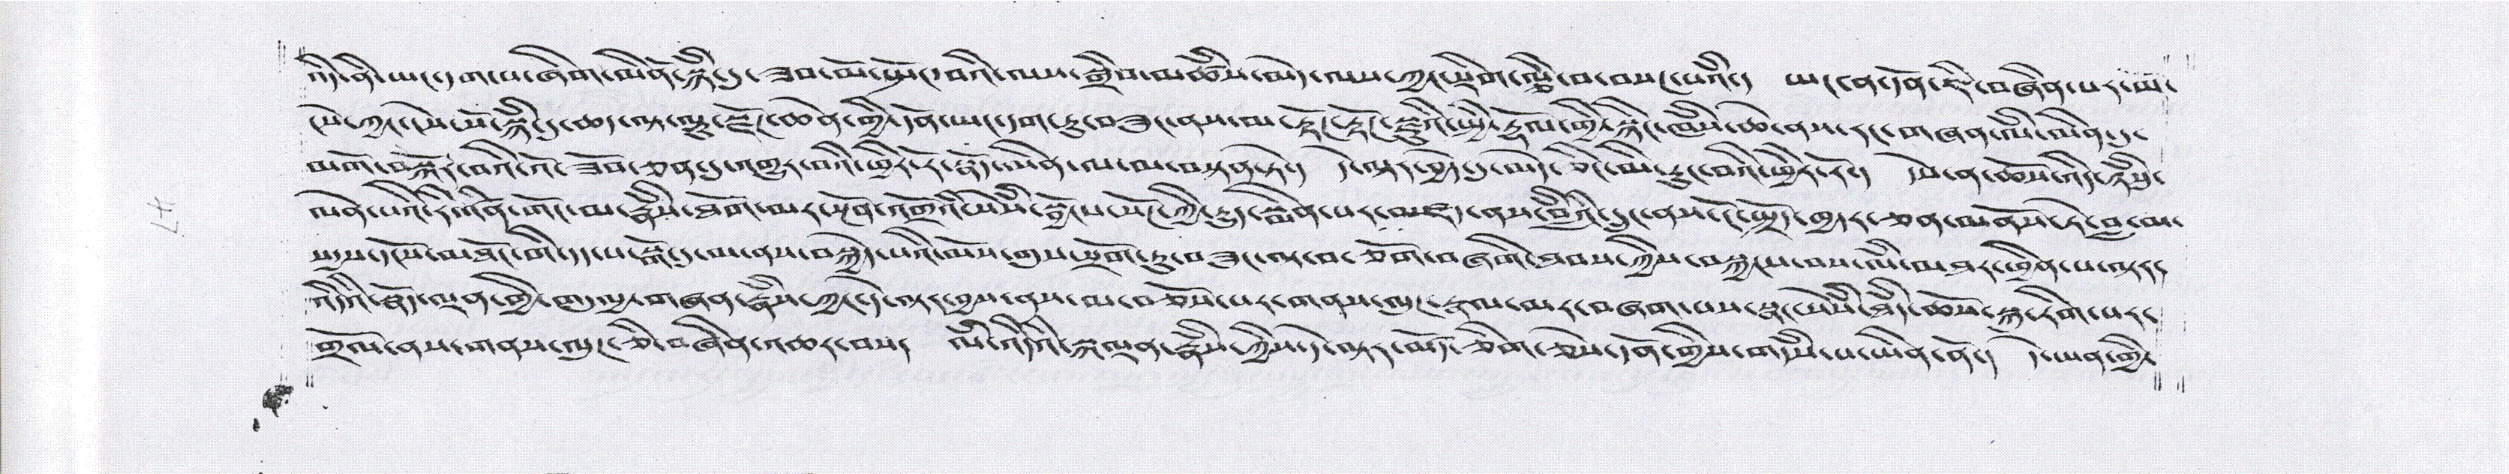འདི་ནི་ཡང་དག་པ་ཞིག་མིན་ནོ་སྙམ་དུ་ཟབ་མོ་སྤང་བའི་ལས་སྒྲིབ་མཚམས་མེད་ལས་ཀྱང་སྡིག་ལྕི་བ་བསགས་པའམ། ཡང་ན་དོན་ཅི་བཞིན་པར་མ་
ངེས་ཀྱང་ངེས་སོ་སྙམ་དུ་ཆད་ལྟ་ལྟ་བུར་རྫོགས་ཆེན་གྱི་དོན་ཡང་དག་ཏུ་བཟུང་ནས་མ་རྟོགས་རྟོགས་རྫུའི་སྤྱི་བརྟོལ་གྱི་སྙིང་ཁམས་རང་གཞན་ལམ་མིན་དུ་
མགོ་བསྐོར་བའི་འོ་ཟོབ་ཅན་དུ་འགྱུར་བའི་ཕྱིར་རོ་སྣོད་མིན་ལ་མ་བསྟན་ཏེ། དེ་ལྟར་བྱེད་དུ་མེད་དེ་མི་རུང་བའི་ཕྱིར་རོ། དེས་ན་ཆོས་ཉིད་ཉམས་སུ་
ལེན་པའི་རིག་འཛིན་གོང་མ་རྣམས་ཐོག་མར་སྔོན་འགྲོའི་སེམས་སྦྱོང་སོགས་ཀྱི་རྒྱུད་སྨིན་པར་མཛད་ནས་བླ་མའི་དྲུང་ནས་ངོ་སྤྲོད་ཁྱད་པར་ཅན་མནོས་ཏེ་བླ་མ་
སངས་རྒྱས་དངོས་མཐོང་གི་དད་པ་སྒོ་དུ་མ་ནས་བསྐྱེད་པའི་མོས་གུས་སྲོག་ཏུ་བཟུང་ལྟ་བ་ཅོག་བཞག་གི་ཐབས་ཀྱིས་བསྐྱངས་པས་ལམ་མཐར་ཕྱིན་པ་ལྟར་
འདིའི་སྣོད་ལྡན་གྱི་གདུལ་བྱ་གཞན་རྣམས་ཀྱང་དེ་ལྟར་བྱས་ནས་མ་བཅོས་པར་གནས་ལུགས་རྣལ་མར་བཞག་པས་སྣང་སེམས་ཐམས་ཅད་ཆོས་སྐུ་རིག་པར་
གྲོལ་ནས་གནས་ལུགས་ཅི་བཞིན་འཆར་བས། ལམ་འདིའི་སྐལ་ལྡན་རྣམས་ཀྱིས་འདི་ལྟར་མཛོད་ཅིག་ཅེས་དོན་གྱིས་གདམས་པ་ཡིན་ནོ། དེ་ཡན་གྱི་